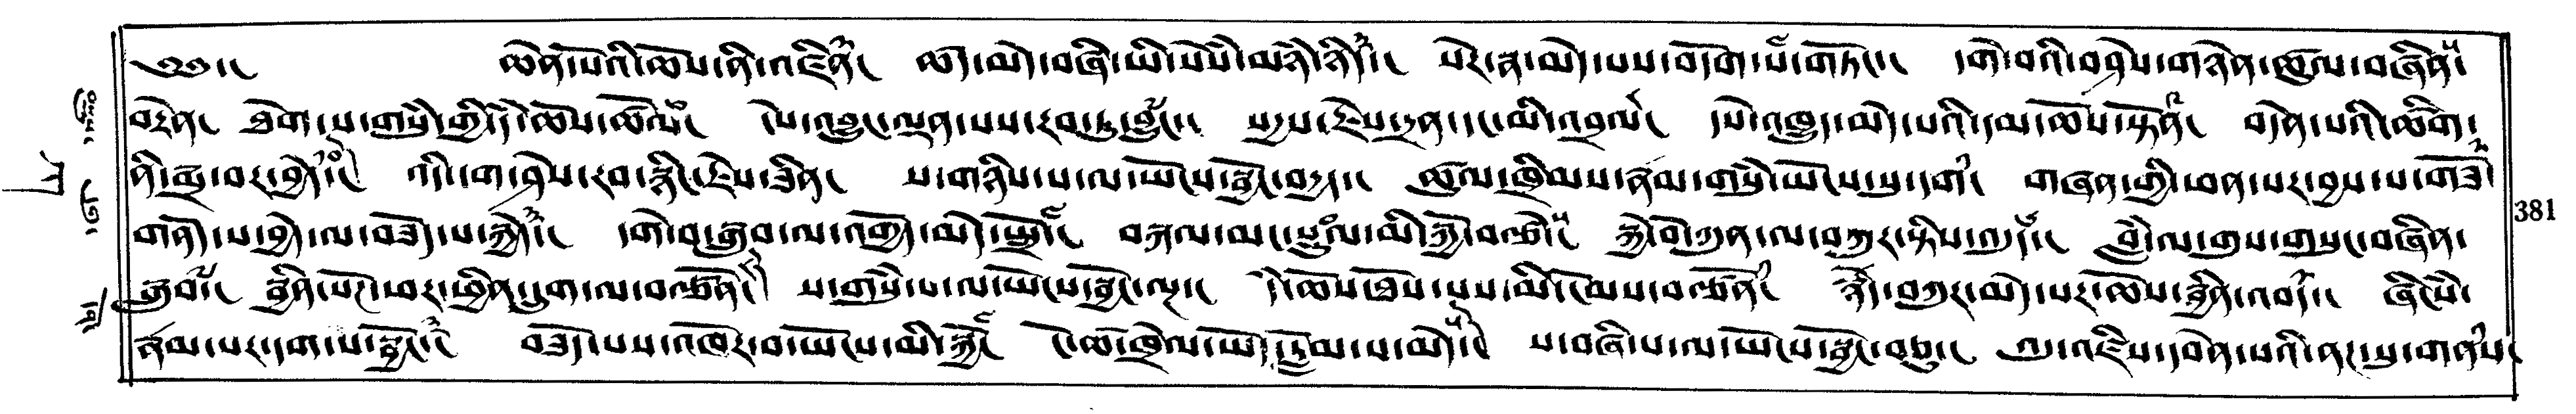ཆེན་པོའི་ཆོས་ནི་འཛིན། །ཚད་མེད་བཞི་ཡི་སེམས་མཉམ་ཉིད། །སེར་སྣ་མེད་པས་བདོག་པ་གཏོང་། །དགེ་བའི་བཤེས་གཉེན་ཚུལ་བཞིན་
བསྟེན། །ཐེག་པ་གསུམ་གྱི་དམ་ཆོས་ཚོལ། །ངེས་འབྱུང་ལྡན་པར་རབ་ཏུ་བྱུང་། །སངས་རྒྱས་རྗེས་དྲན་དང་མི་འབྲལ། །དཔེ་འཁྱུད་མེད་པའི་དམ་ཆོས་སྟོན། །བདེན་པའི་ཚིག་
ནི་སྨྲ་བར་བྱེད། །འདི་དག་ཤེས་རབ་སྙིང་རྗེས་ཟིན། །ས་གཉིས་པ་ལ་ཡོངས་སྦྱོང་བརྒྱད། །ཚུལ་ཁྲིམས་རྣམ་གསུམ་ཡོངས་སུ་དག།གཞན་གྱི་ཕན་པར་བྱས་པ་གཟོ། །
གནོད་པ་བྱེད་ལ་བཟོད་པ་སྐྱེད། །དགེ་བ་སྒྲུབ་ལ་འགྱོད་མེད་སྤྲོ། །བསྐལ་མང་སྡུག་བསྔལ་མི་སྐྱོ་བརྩེ། །སྐྱེ་བོ་ཀུན་ལ་བཀུར་སྟིས་འདུད། །བླ་མ་ལ་གུས་གསུང་བཞིན་
སྒྲུབ། །སྦྱིན་སོགས་ཕར་ཕྱིན་དྲུག་ལ་བརྩོན། །ས་གསུམ་པ་ལ་ཡོངས་སྦྱོང་ལྔ། །དམ་ཆོས་ཐོས་པས་མི་ངོམས་བརྩོན། །རྙེད་བཀུར་མེད་པར་ཆོས་སྦྱིན་འབད། །ཞིང་ཁམས་
རྣམ་པར་དག་པ་སྦྱོང་། །བཟོད་པས་འཁོར་བ་ཡོངས་མི་སྐྱོ། །ངོ་ཚ་ཁྲེལ་ཡོད་རློམ་པ་མེད། །ས་བཞི་པ་ལ་ཡོངས་སྦྱོང་བཅུ། །འདུ་འཛིས་དབེན་པའི་ནགས་སུ་གནས། །